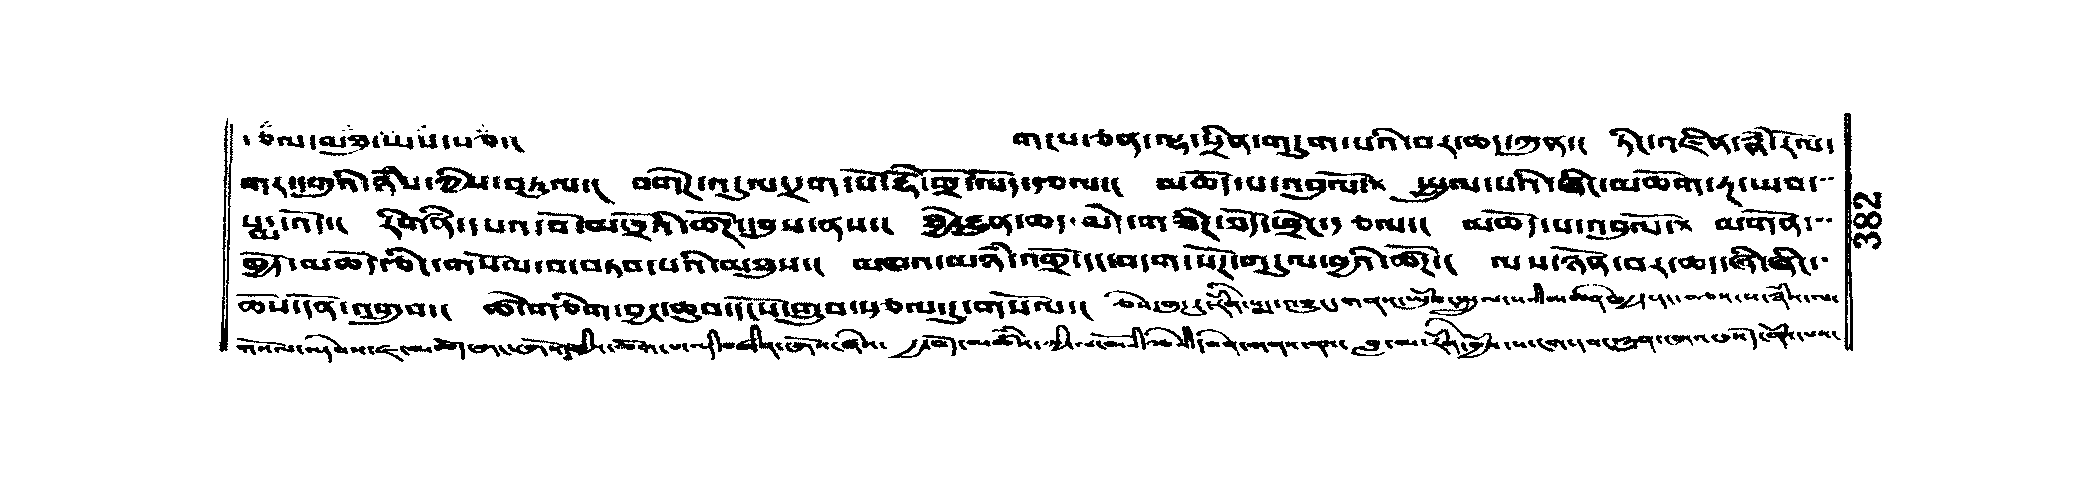གངས་ཅན་ལྷ་སྲིན་གདུག་པའི་བར་ཆད་ཀུན། །ཏིང་འཛིན་རྣམ་རོལ་
གར་དགུའི་ཉམས་ཀྱིས་བཏུལ། །བགེགས་འདུལ་དྲག་པོ་རྡོ་རྗེ་གྲོ་ལོད་རྩལ། །མཆོད་པ་འབུལ་ལོ༴ །སྤྲུལ་པའི་ཞིང་མཆོག་རྔ་ཡབ་
པདྨ་འོད། །རིག་འཛིན་དཔའ་བོ་མཁའ་འགྲོའི་ཚོགས་དབུས་ནས། ཐུགས་རྗེ་རྒྱུན་ཆད་མེད་གཟིགས་ཐོད་ཕྲེང་རྩལ། །མཆོད་པ་འབུལ་ལོ༴ །མགོན་
ཁྱོད་མཆོད་ཅིང་གསོལ་བ་བཏབ་པའི་མཐུས། །མཁའ་མཉམ་འགྲོ་དང་བདག་སོགས་གདུལ་བྱའི་ཚོགས། །ལས་ཉོན་བར་ཆད་ཞི་ཞིང་
ཆོས་དོན་འགྲུབ། །ཚེ་གཅིག་བྱང་ཆུབ་དངོས་གྲུབ་བསྩལ་དུ་གསོལ། ཅེས་གུ་རུ་རིན་པོ་ཆེ་པདྨ་འབྱུང་གནས་ཡབ་ཡུམ་སྤྲུལ་པའི་མཚན་བརྒྱད་དང་བཅས་པ་རྣམས་ལ་
གསོལ་འདེབས་ཇ་མཆོད་གང་དགོས་བྱེད་ཆོག་པ་འདི་བཞིན་དགོས་ཞེས། རྒྱ་བོད་མཚམས་ཀྱི་ལ་མོའི་རྩེའི་དབེན་གནས་ནས། བླ་མ་རིན་པོ་ཆེ་བྱམས་པ་ངག་དབང་ཀུན་དགའ་བསོད་ནམས་པས་